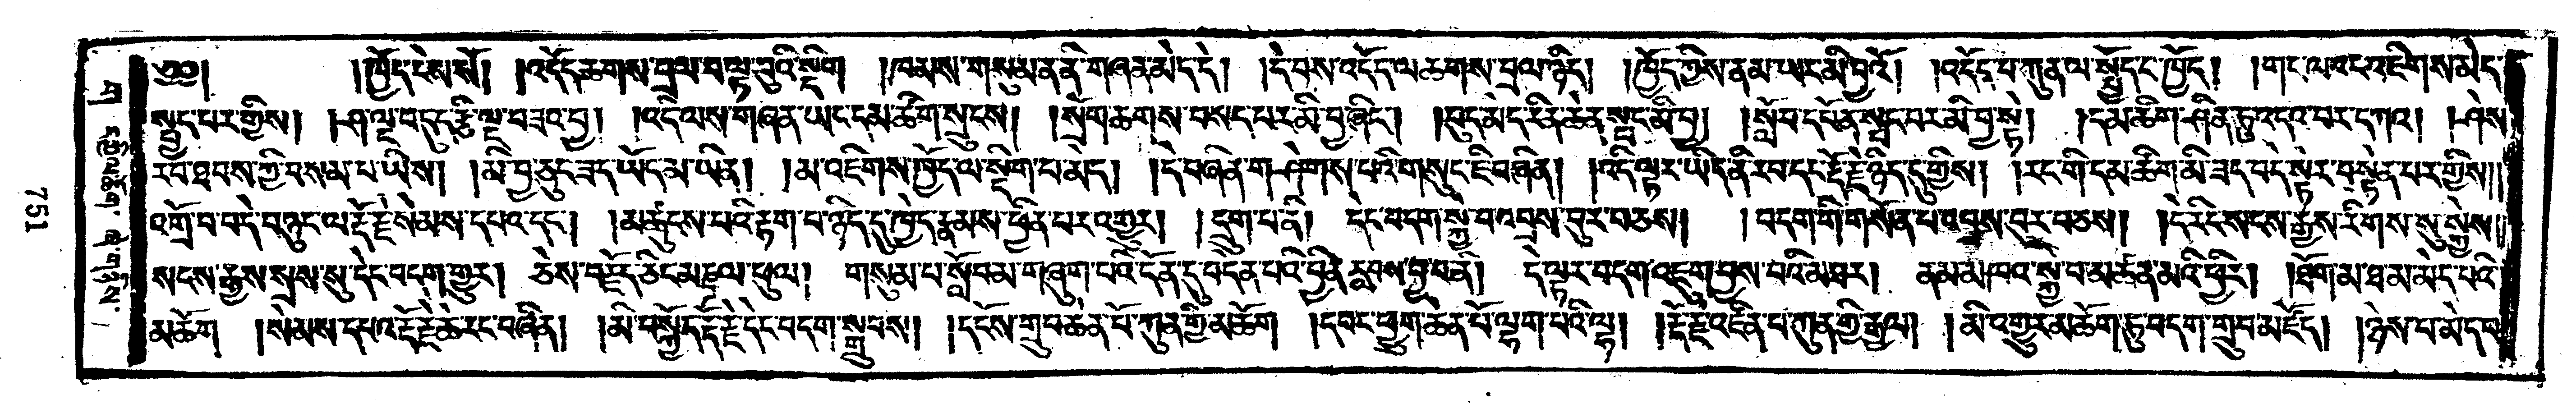༄༅། །ཁྱོད་ངེས་སོ། །འདོད་ཆགས་བྲལ་བ་ལྟ་བུའི་སྡིག །ཁམས་གསུམ་ན་ནི་གཞན་མེད་དེ། །དེ་བས་འདོད་པ་ཆགས་བྲལ་ཉིད། །ཁྱོད་ཀྱིས་ནམ་ཡང་མི་བྱའོ། །འདོད་པ་ཀུན་ལ་སྤྱོད་པ་ཁྱོད། །གང་ལའང་འཇིགས་མེད་
སྦྱང་པར་གྱིས། །ཤ་ལྔ་བདུད་རྩི་ལྔ་བཟའ་བྱ། །འདི་ལས་གཞན་ཡང་དམ་ཚིག་སྲུངས། །སྲོག་ཆགས་བསད་པར་མི་བྱ་ཞིང་། །བུད་མེད་རིན་ཆེན་སྤང་མི་བྱ། །སློབ་དཔོན་སྤང་བར་མི་བྱ་སྟེ། །དམ་ཚིག་ཤིན་ཏུ་འདའ་བར་དཀའ། །ཤེས་
རབ་ཐབས་ཀྱི་བསམ་པ་ཡིས། །མི་བྱ་ཅུང་ཟད་ཡོད་མ་ཡིན། །མ་འཇིགས་ཁྱོད་ལ་སྡིག་པ་མེད། །དེ་བཞིན་གཤེགས་པའི་གསུང་ཇི་བཞིན། །འདི་ལྟར་ཡིད་ནི་རབ་དང་རྡོ་རྗེ་ཉིད་དུ་གྱིས། །རང་གི་དམ་ཚིག་མི་ཟད་བདེ་སྟེར་བསྟེན་པར་གྱིས།།
འགྲོ་བ་བདེ་བ་ཉུང་ལ་རྡོ་རྗེ་སེམས་དཔའ་དང་། །མཚུངས་པའི་རྟག་པ་ཉིད་དུ་ཁྱེད་རྣམས་ཕྱིན་པར་འགྱུར། །དྲུག་པ་ནི། དེང་བདག་སྐྱེ་བ་འབྲས་བུར་བཅས། །བདག་གི་གསོན་པ་འབྲས་བུར་བཅས། །དེ་རིང་སངས་རྒྱས་རིགས་སུ་སྐྱེས།།
སངས་རྒྱས་སྲས་སུ་དེང་བདག་གྱུར། ཅེས་བརྗོད་ཅིང་མཎྜལ་ཕུལ། གསུམ་པ་སློབ་མ་གཞུག་པའི་དོན་དུ་བདེན་པའི་བྱིན་རླབས་བྱ་བ་ནི། དེ་ལྟར་བདག་འཇུག་བྱས་པའི་མཐར། ནམ་མཁའ་སྐྱེ་བ་མཚན་མའི་ཕྱིར། །ཐོག་མ་ཐ་མ་མེད་པའི་
མཆོག །སེམས་དཔའ་རྡོ་རྗེ་ཆེ་རང་བཞིན། །མི་བསྐྱོད་རྡོ་རྗེ་དེང་བདག་སྒྲུབས། །དངོས་གྲུབ་ཆེན་པོ་ཀུན་གྱི་མཆོག །དབང་ཕྱུག་ཆེན་པོ་ལྷག་པའི་ལྷ། །རྡོ་རྗེ་འཛིན་པ་ཀུན་གྱི་རྒྱལ། །མི་འགྱུར་མཆོག་ཏུ་བདག་གྲུབ་མཛོད། །ཉེས་པ་མེད་པ་